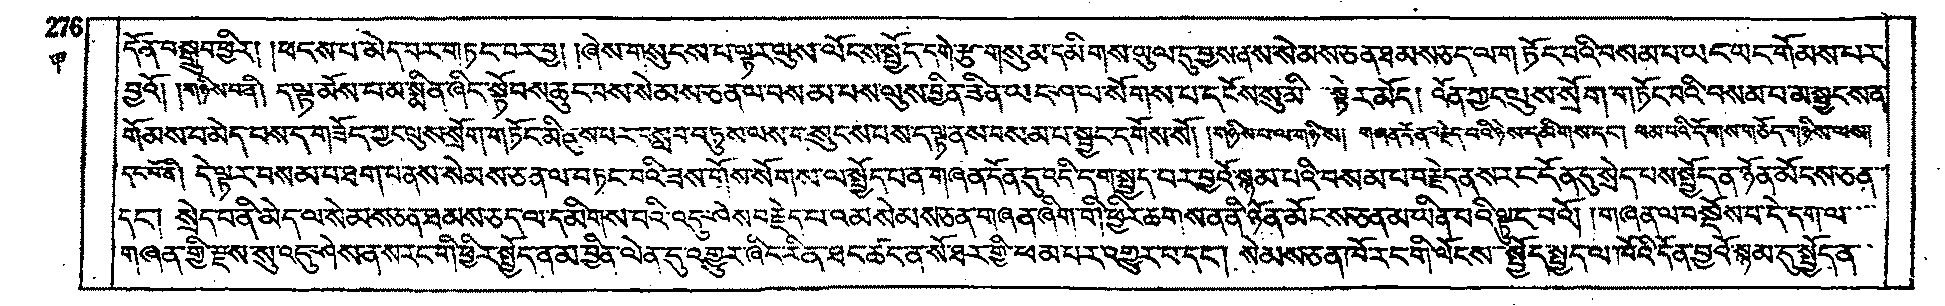དོན་བསྒྲུབ་ཕྱིར། །ཕངས་པ་མེད་པར་གཏང་བར་བྱ། །ཞེས་གསུངས་པ་ལྟར་ལུས་ལོངས་སྤྱོད་དགེ་རྩ་གསུམ་དམིགས་ཡུལ་དུ་བྱས་ནས་སེམས་ཅན་ཐམས་ཅད་ལ་གཏོང་བའི་བསམ་པ་ཡང་ཡང་གོམས་པར་
བྱའོ། །གཉིས་པ་ནི།  ད་ལྟ་མོས་པ་མ་སྨིན་ཞིང་སྟོབས་ཆུང་བས་སེམས་ཅན་ལ་བསམ་པས་ལུས་བྱིན་ཟིན་ཡང་ཤ་ལ་སོགས་པ་དངོས་སུ་མིསྟེར་མོད། འོན་ཀྱང་ལུས་སྲོག་གཏོང་བའི་བསམ་པ་མ་སྦྱངས་ན་
གོམས་པ་མེད་པས་ད་གཟོད་ཀྱང་ལུས་སྲོག་གཏོང་མི་ནུས་པར་བསླབ་བཏུས་ལས་གསུངས་པས་ད་ལྟ་ནས་བསམ་པ་སྦྱང་དགོས་སོ། །གཉིས་པ་ལ་གཉིས། གཞན་དོན་བརྗེད་པའི་ཉེས་དམིགས་དང་། ཕམ་པའི་དོགས་གཅོད་གཉིས་ལས།
དང་པོ་ནི། དེ་ལྟར་བསམ་པ་ཐག་པ་ནས་སེམས་ཅན་ལ་བཏང་བའི་ཟས་གོས་སོགས་ལ་སྤྱོད་པ་ན་གཞན་དོན་དུ་འདི་དག་སྤྱད་པར་བྱའོ་སྙམ་པའི་བསམ་པ་བརྗེད་ནས་རང་དོན་དུ་སྲེད་པས་སྤྱོད་ན་ཉོན་མོངས་ཅན་
དང་། སྲེད་པ་ནི་མེད་ལ་སེམས་ཅན་ཐམས་ཅད་ལ་དམིགས་པའི་འདུ་ཤེས་བརྗེད་པ་འམ་སེམས་ཅན་གཞན་ཞིག་གི་ཕྱིར་ཆགས་ན་ནི་ཉོན་མོངས་ཅན་མ་ཡིན་པའི་ལྟུང་བའོ། །གཞན་ལ་བསྡོས་པ་དེ་དག་ལ་
གཞན་གྱི་རྫས་སུ་འདུ་ཤེས་ནས་རང་གི་ཕྱིར་སྤྱོད་ན་མ་བྱིན་ལེན་དུ་འགྱུར་ཞིང་རིན་ཐང་ཚང་ན་སོ་ཐར་གྱི་ཕམ་པར་འགྱུར་བ་དང་། སེམས་ཅན་ཁོ་རང་གི་ལོངྶྶྤྱོད་སྤྱད་ལ་ཁོའི་དོན་བྱའོ་སྙམ་དུ་སྤྱོད་ན་